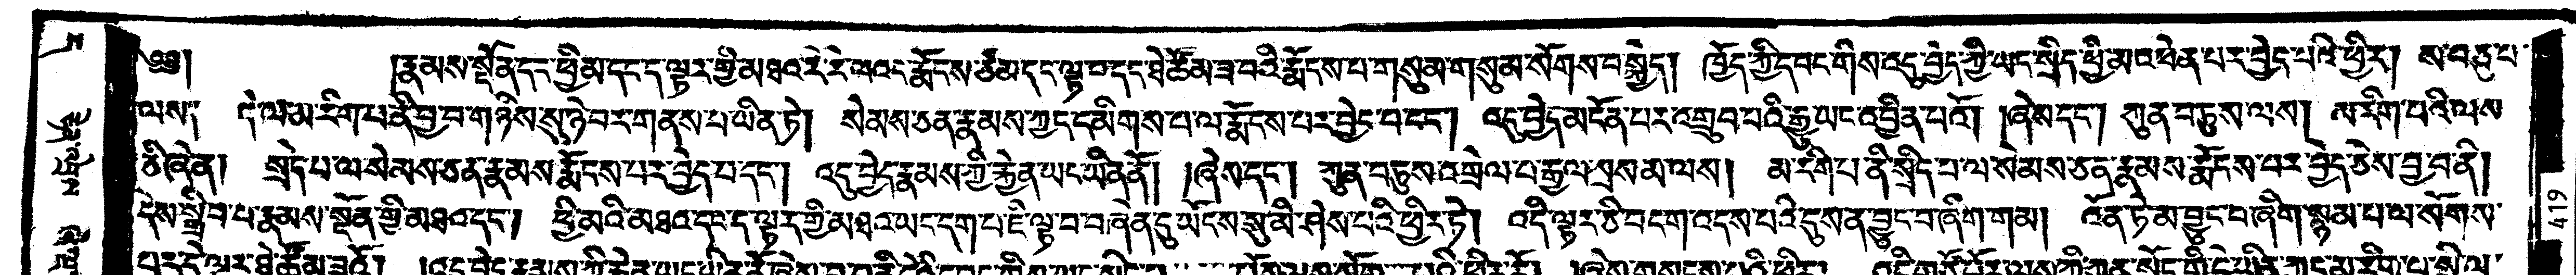༄༅། །རྣམས་སྔོན་དང་ཕྱི་མ་དང་ད་ལྟར་གྱི་མཐའ་རེ་རེ་ལའང་རྨོངས་ཙམ་དང་ལྟ་བ་དང་ཐེ་ཚོམ་ཟ་བའི་རྨོངས་པ་གསུམ་གསུམ་སོགས་བསྐྱེད། ཁྱོད་ཀྱི་དབང་གིས་འདུ་བྱེད་ཀྱི་ཡང་སྲིད་ཕྱི་མ་འཕེན་པར་བྱེད་པའི་ཕྱིར། ས་བཅུ་པ་
ལས༑ དེ་ལ་མ་རིག་པ་ནི་བྱ་བ་གཉིས་སུ་ཉེ་བར་གནས་པ་ཡིན་ཏེ། སེམས་ཅན་རྣམས་ཀྱང་དམིགས་པ་ལ་རྨོངས་པར་བྱེད་པ་དང་། འདུ་བྱེད་མངོན་པར་འགྲུབ་པའི་རྒྱུ་ཡང་འབྱིན་པའོ། །ཞེས་དང་། ཀུན་བཏུས་ལས། མ་རིག་པའི་ལས་
ཅི་ཞེ་ན། སྲེད་པ་ལ་སེམས་ཅན་རྣམས་རྨོངས་པར་བྱེད་པ་དང་། འདུ་བྱེད་རྣམས་ཀྱི་རྐྱེན་ཡང་ཡིན་ནོ། །ཞེས་དང་། ཀུན་བཏུས་འགྲེལ་པ་རྒྱལ་སྲས་མ་ལས། མ་རིག་པ་ནི་སྲིད་པ་ལ་སེམས་ཅན་རྣམས་རྨོངས་པར་བྱེད་ཅེས་བྱ་བ་ནི།
དེས་སྒྲིབ་པ་རྣམས་སྔོན་གྱི་མཐའ་དང་། ཕྱི་མའི་མཐའ་དང་ད་ལྟར་གྱི་མཐའ་ཡང་དག་པ་ཇི་ལྟ་བ་བཞིན་དུ་ཡོངས་སུ་མི་ཤེས་པའི་ཕྱིར་ཏེ། འདི་ལྟར་ཅི་བདག་འདས་པའི་དུས་ན་བྱུང་བ་ཞིག་གམ། འོན་ཏེ་མ་བྱུང་བ་ཞིག་སྙམ་པ་ལ་སོགས་
པར་དེ་ལྟར་ཐེ་ཚོམ་ཟའོ། །འདུ་བྱེད་རྣམས་ཀྱི་རྐྱེན་ཡང་ཡིན་ནོ་ཞེས་བྱ་བ་ནི་དེའི་དབང་གིས་ཡང་སྲིད་པ་པོས་ལས་སོགས་པའི་ཕྱིར་རོ། །ཞེས་གསུངས་པའི་ཕྱིར། འདི་གཙོ་བོར་ལས་ཀྱི་ཀུན་སློང་གི་དེ་ཡིན་ཀྱང་མ་རིག་པ་སྤྱི་ལ་
སེམས་ཅན་རྣམས་རྨོངས་ཚུལ་ཀྱང་ཤེས་དགོས། ཐུབ་པའི་དགོངས་པ་ཤིང་རྟ་ཆེན་པོ་དག་གི་གང་ལ་བརྟེན་ཤེས་ཆེད་དུ་འདི་ལྟར་བྱས་པས་ངོ་ཤེས་ཤིང་གཅེས་པར་གཟུང་རིགས་ཀྱི་བློ་རྩེ་གཏད་ས་མེད་པའི་ཡིག་ནག་ལ་བློ་མ་གཏོད་